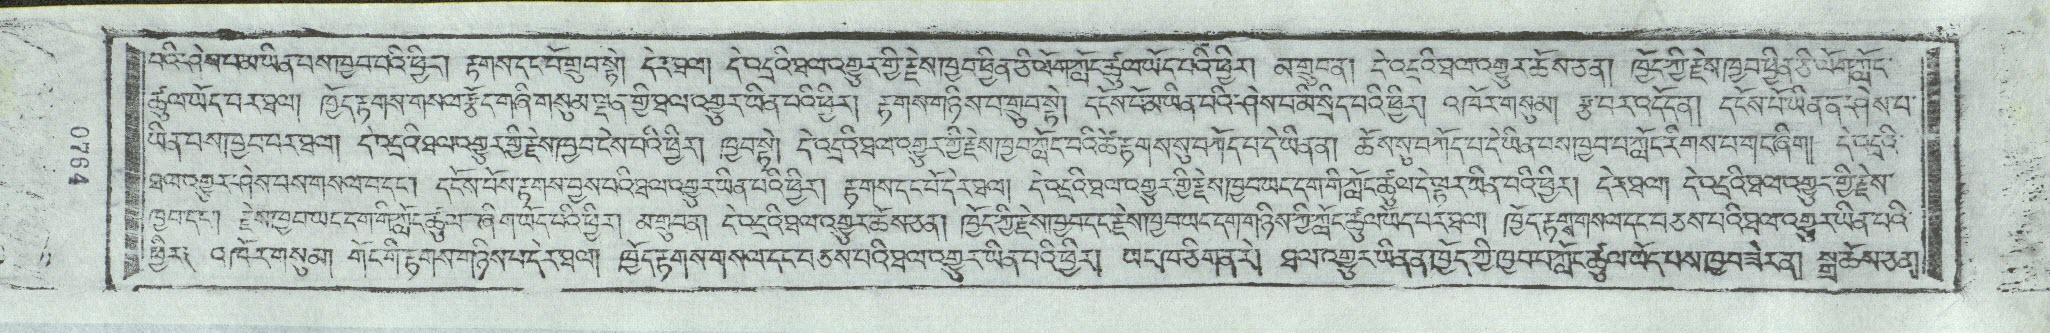པའི་ཤེས་པ་མ་ཡིན་པས་ཁྱབ་པའི་ཕྱིར། རྟགས་དང་པོ་གྲུབ་སྟེ། དེར་ཐལ། དེ་འདྲའི་ཐལ་འགྱུར་གྱི་རྗེས་ཁྱབ་ཕྱིན་ཅི་ལོག་ཀློང་ཚུལ་ཡོད་པའི་ཕྱིར། མ་གྲུབ་ན། དེ་འདྲའི་ཐལ་འགྱུར་ཆོས་ཅན། ཁྱོད་ཀྱི་རྗེས་ཁྱབ་ཕྱིན་ཅི་ལོག་ཀློང་
ཚུལ་ཡོད་པར་ཐལ། ཁྱོད་རྟགས་གསལ་རྩོད་གཞི་གསུམ་ལྡན་གྱི་ཐལ་འགྱུར་ཡིན་པའི་ཕྱིར། རྟགས་གཉིས་པ་གྲུབ་སྟེ། དངོས་པོ་མ་ཡིན་པའི་ཤེས་པ་མི་སྲིད་པའི་ཕྱིར། འཁོར་གསུམ། རྩ་བར་འདོད་ན། དངོས་པོ་ཡིན་ན་ཤེས་པ་
ཡིན་པས་ཁྱབ་པར་ཐལ། དེ་འདྲའི་ཐལ་འགྱུར་གྱི་རྗེས་ཁྱབ་ངེས་པའི་ཕྱིར། ཁྱབ་སྟེ། དེ་འདྲའི་ཐལ་འགྱུར་གྱི་རྗེས་ཁྱབ་ཀློང་པའི་ཚེ་རྟགས་སུ་བཀོད་པ་དེ་ཡིན་ན། ཆོས་སུ་བཀོད་པ་དེ་ཡིན་པས་ཁྱབ་པ་ཀློང་རིགས་པ་གང་ཞིག། དེ་འདྲའི་
ཐལ་འགྱུར་ཤེས་པས་གསལ་བ་དང་། དངོས་པོས་རྟགས་བྱས་པའི་ཐལ་འགྱུར་ཡིན་པའི་ཕྱིར། རྟགས་དང་པོ་དེར་ཐལ། དེ་འདྲའི་ཐལ་འགྱུར་གྱི་རྗེས་ཁྱབ་ཡང་དག་གི་ཀློང་ཚུལ་དེ་ལྟར་ཡིན་པའི་ཕྱིར། དེར་ཐལ། དེ་འདྲའི་ཐལ་འགྱུར་གྱི་རྗེས་
ཁྱབ་དང་། རྗེས་ཁྱབ་ཡང་དག་གི་ཀློང་ཚུལ་ཞིག་ཡོད་པའི་ཕྱིར། མ་གྲུབ་ན། དེ་འདྲའི་ཐལ་འགྱུར་ཆོས་ཅན། ཁྱོད་ཀྱི་རྗེས་ཁྱབ་དང་རྗེས་ཁྱབ་ཡང་དག་གཉིས་ཀྱི་ཀློང་ཚུལ་ཡོད་པར་ཐལ། ཁྱོད་རྟགས་གསལ་དང་བཅས་པའི་ཐལ་འགྱུར་ཡིན་པའི་
ཕྱིར༑ འཁོར་གསུམ། གོང་གི་རྟགས་གཉིས་པ་དེར་ཐལ། ཁྱོད་རྟགས་གསལ་དང་བཅས་པའི་ཐལ་འགྱུར་ཡིན་པའི་ཕྱིར། ཡང་ཁ་ཅིག་ན་རེ། ཐལ་འགྱུར་ཡིན་ན་ཁྱོད་ཀྱི་ཁྱབ་པ་ཀློང་ཚུལ་ཡོད་པས་ཁྱབ་ཟེར་ན། སྒྲ་ཆོས་ཅན།